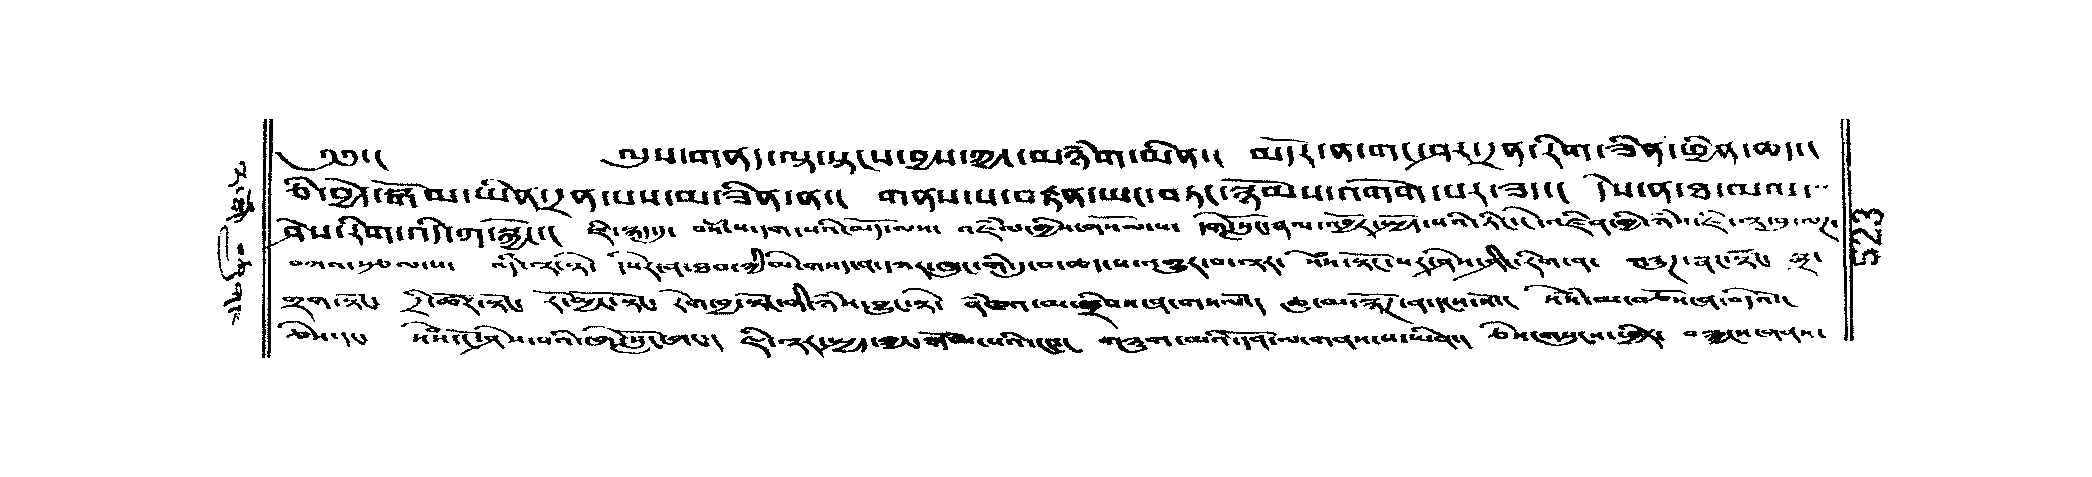།ལུས་གནད་ལྟ་སྟངས་བྱས་ཀྱང་མཉམ་བཞག་མིན། །མདོར་ན་གང་ཤར་དྲན་རིག་ཟིན་ཕྱིན་ཆད། །
ཅི་བྱེད་སྒོམ་ཡིན་དྲན་པས་མ་ཟིན་ན། །གནས་པ་བརྟན་ཡང་བཏང་སྙོམས་འགོག་པར་ཟད། །དེ་ནས་ཐ་མལ་
ཤེས་རིག་འདི་ཀ་སྐྱོང་། ཇི་སྐད་དུ། བསམ་པ་དག་པའི་མདོ་ལས། འཇམ་དཔལ་གྱིས་གསོལ་བ། དགེ་སློང་རྣལ་འབྱོར་སྤྱོད་པའི་ཏིང་ངེ་འཛིན་གྱི་ཉམས་ཇི་ལྟ་བུ་ལགས་
བཀའ་བསྩལ་པ།འདི་ལྟ་སྟེ། དཔེར་ན་ཐབ་ཀྱི་མེ་གསད་ན་དཀར་ཁུང་གི་དུ་བ་ཆད་པ་འགྱུར་བ་ལྟར། སེམས་སྟོང་པར་ཤེས་ཤིང་རིག་ན། གཟུགས་སྣང་སྟོང་། སྒྲ་
གྲག་སྟོང་། དྲི་ཚོར་སྟོང་། རོ་མྱོང་སྟོང་། རེག་རེག་སྟོང་གི་ཉམས་བྱུང་སྟེ། ནམ་མཁའ་མ་སྒྲིབས་ན་གསལ། ཆུ་མ་སྙོགས་ན་དྭངས་སོ། སེམས་མ་བཅོས་ན་བདེའོ། 
ཞེས་དང་། སེམས་ངོ་ཤེས་པའི་དགེ་སློང་གང་། །ཇི་ལྟར་སྤྱད་ཀྱང་སྒོམ་པའི་ངང་། །གཉུག་མའི་དོན་ལ་གནས་པ་ཡིན། ཅེས་གསུངས་ཕྱིར། བསྐྱངས་གནས་